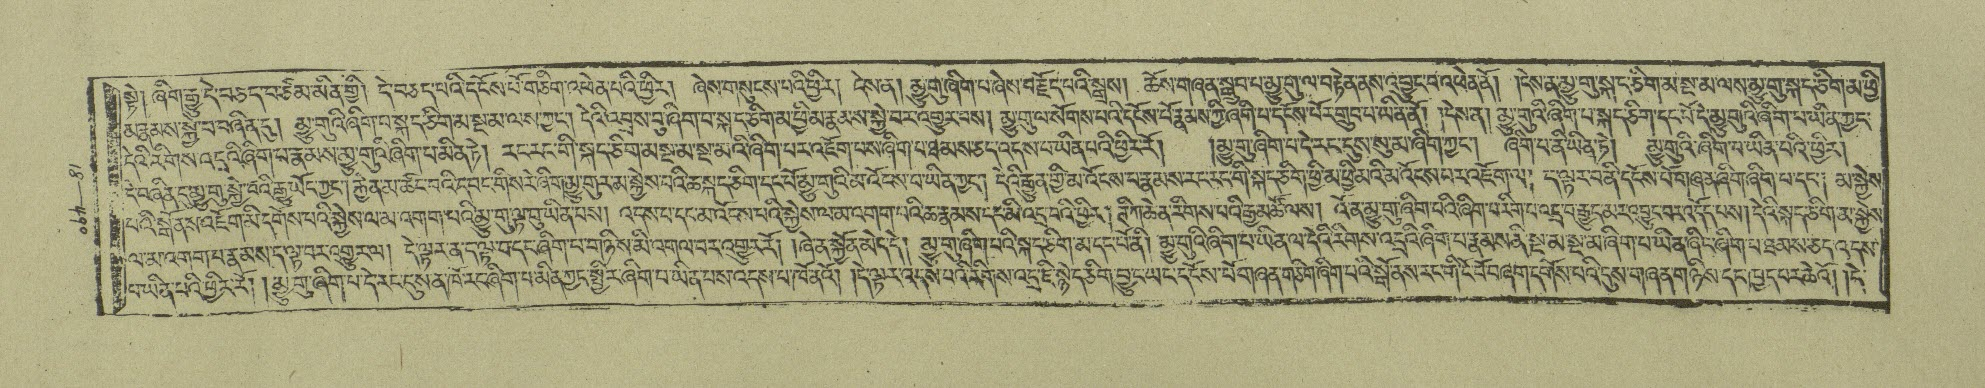སྟེ། ཞིག་རྒྱུ་དེ་བཅད་པ་ཙམ་མིན་གྱི། དེ་བཅད་པའི་དངོས་པོ་གཅིག་འཕེན་པའི་ཕྱིར། ཞེས་གསུངས་པའི་ཕྱིར། དེས་ན། མྱུ་གུ་ཞིག་པ་ཞེས་བརྗོད་པའི་སྒྲས། ཆོས་གཞན་སྒྲུབ་པ་མྱུ་གུ་ལ་བརྟེན་ནས་འབྱུང་བ་འཕེན་ནོ། །དེས་ན་མྱུ་གུ་སྐད་ཅིག་མ་སྔ་མ་ལས་མྱུ་གུ་སྐད་ཅིག་མ་ཕྱི་
མ་རྣམས་སྐྱེ་བ་བཞིན་དུ། མྱུ་གུའི་ཞིག་པ་སྐད་ཅིག་མ་སྔ་མ་ལས་ཀྱང་། དེའི་འབྲས་བུ་ཞིག་པ་སྐད་ཅིག་མ་ཕྱི་མ་རྣམས་སྐྱེ་བར་འགྱུར་བས། མྱུ་གུ་ལ་སོགས་པའི་དངོས་པོ་རྣམས་ཀྱི་ཞིག་པ་དངོས་པོར་གྲུབ་པ་ཡིན་ནོ། །དེས་ན། མྱུ་གུའི་ཞིག་པ་སྐད་ཅིག་དང་པོ་དེ་མྱུ་གུའི་ཞིག་པ་ཡིན་ཀྱང་
དེའི་རིགས་འདྲའི་ཞིག་པ་རྣམས་མྱུ་གུའི་ཞིག་པ་མིན་ཏེ། རང་རང་གི་སྐད་ཅིག་མ་སྔ་མ་སྔ་མའི་ཞིག་པར་འཇོག་པས་ཞིག་པ་ཐམས་ཅད་འདས་པ་ཡིན་པའི་ཕྱིར་རོ། །མྱུ་གུ་ཞིག་པ་དེ་རང་དུས་སུ་མ་ཞིག་ཀྱང་། ཞིག་པ་ནི་ཡིན་ཏེ། མྱུ་གུའི་ཞིག་པ་ཡིན་པའི་ཕྱིར།
དེ་བཞིན་དུ་མྱུ་གུ་སྐྱེ་བའི་རྒྱུ་ཡོད་ཀྱང་། རྐྱེན་མ་ཚང་བའི་དབང་གིས་རེ་ཞིག་མྱུ་གུར་མ་སྐྱེས་པའི་ཆ་སྐད་ཅིག་དང་པོ་མྱུ་གུའི་མ་འོངས་པ་ཡིན་ཀྱང་། དེའི་རྒྱུན་གྱི་མ་འོངས་པ་རྣམས་རང་རང་གི་སྐད་ཅིག་ཕྱི་མ་ཕྱི་མའི་མ་འོངས་པར་འཇོག་ལ། ད་ལྟར་བ་ནི་དངོས་པོ་གཞན་ཞིག་ཞིག་པ་དང་། མ་སྐྱེས་
པའི་སྒོ་ནས་འཇོག་མི་དགོས་པའི་སྐྱེས་ལ་མ་འགག་པའི་མྱུ་གུ་ལྟ་བུ་ཡིན་པས། འདས་པ་དང་མ་འོངས་པའི་སྐྱེས་ལམ་འགག་པའི་ཆ་རྣམས་དང་མི་འདྲ་བའི་ཕྱིར། ཊིཀ་ཆེན་རིགས་པའི་རྒྱ་མཚོ་ལས། འོ་ན་མྱུ་གུ་ཞིག་པའི་ཞིག་པ་རིག་པ་འདྲ་བ་རྒྱུད་མར་འབྱུང་བར་འདོད་པས། དེའི་སྐད་ཅིག་མ་སྐྱེས་
ལ་མ་འགག་པ་རྣམས་ད་ལྟར་བར་འགྱུར་ལ། དེ་ལྟར་ན་ད་ལྟ་བ་དང་ཞིག་པ་གཉིས་མི་འགལ་བར་འགྱུར་རོ། །ཞེ་ན་སྐྱོན་ཡོད་དེ། མྱུ་གུ་ཞིག་པའི་སྐད་ཅིག་མ་དང་པོ་ནི། མྱུ་གུའི་ཞིག་པ་ཡིན་ལ་དེའི་རིགས་འདྲའི་ཞིག་པ་རྣམས་ནི་སྔ་མ་སྔ་མ་ཞིག་པ་ཡིན་ཞིང་ཞིག་པ་ཐམས་ཅད་འདས་
པ་ཡིན་པའི་ཕྱིར་རོ། །མྱུ་གུ་ཞིག་པ་དེ་རང་དུས་ན་ཁོ་རང་ཞིག་པ་མིན་ཀྱང་སྤྱིར་ཞིག་པ་ཡིན་པས་འདས་པ་ཁོ་ནའོ། །དེ་ལྟར་འདས་པའི་རིགས་འདྲ་ཇི་སྙེད་ཅིག་བྱུང་ཡང་དངོས་པོ་གཞན་གཅིག་ཞིག་པའི་སྒོ་ནས་རང་གི་ངོ་བོ་བཞག་དགོས་པའི་དུས་གཞན་གཉིས་དང་ཁྱད་པར་ཆེའོ། །དེ་